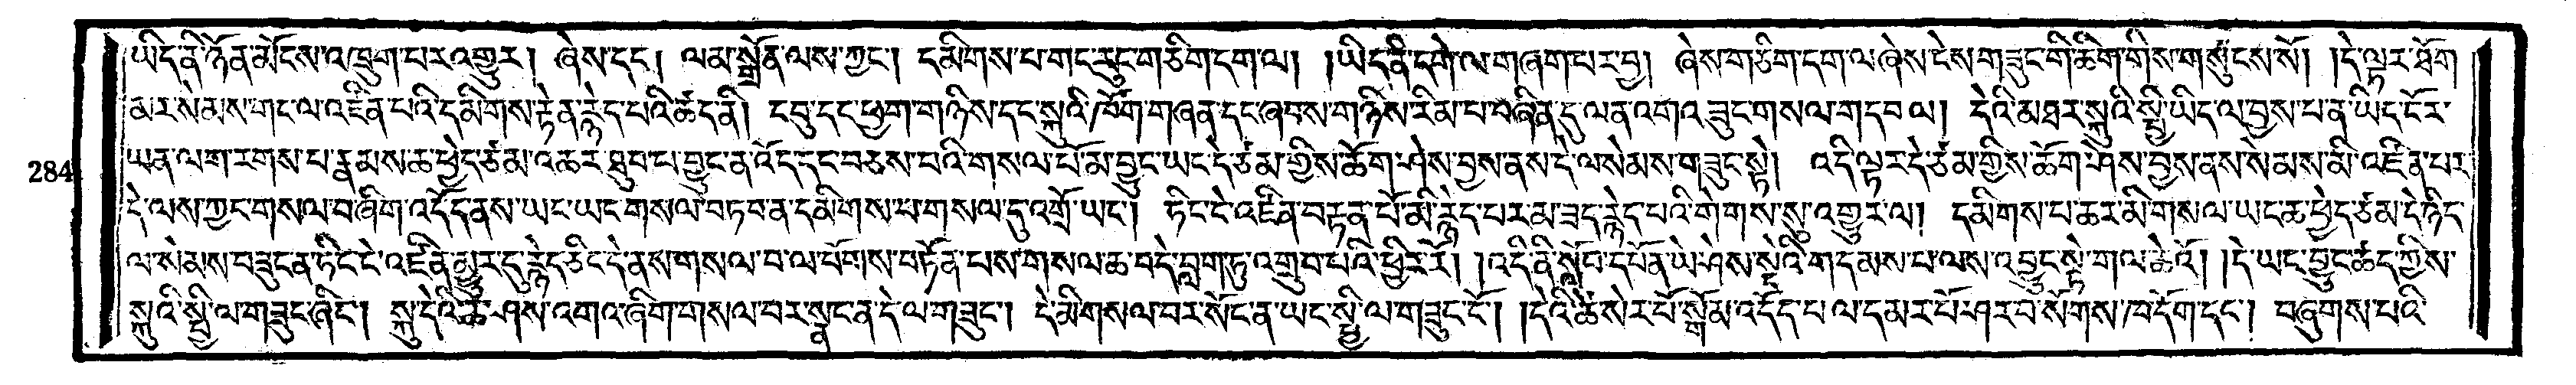ཡིད་ནི་ཉོན་མོངས་འཁྲུག་པར་འགྱུར། ཞེས་དང་། ལམ་སྒྲོན་ལས་ཀྱང་། དམིགས་པ་གང་རུང་གཅིག་དག་ལ། །ཡིད་ནི་དགེ་ལ་གཞག་པར་བྱ། ཞེས་གཅིག་དག་ལ་ཞེས་ངེས་གཟུང་གི་ཆིག་གིས་གསུངས་སོ། །དེ་ལྟར་ཐོག་
མར་སེམས་གང་ལ་འཛིན་པའི་དམིགས་རྟེན་རྙེད་པའི་ཚད་ནི། དབུ་དང་ཕྱག་གཉིས་དང་སྐུའི་ཁོག་གཞན་དང་ཞབས་གཉིས་རིམ་པ་བཞིན་དུ་ལམ་འགའ་ཟུང་གསལ་གདབ་ལ། དེའི་མཐར་སྐུའི་སྤྱི་ཡིད་ལ་བྱས་པ་ན་ཡིད་ངོར་
ཡན་ལག་རགས་པ་རྣམས་ཆ་ཕྱེད་ཙམ་འཆར་ཐུབ་པ་བྱུང་ན་འོད་དང་བཅས་བའི་གསལ་པོ་མ་བྱུང་ཡང་དེ་ཙམ་གྱིས་ཆོག་ཤེས་བྱས་ནས་དེ་ལ་སེམས་གཟུང་སྟེ། འདི་ལྟར་དེ་ཙམ་གྱིས་ཆོག་ཤེས་བྱས་ནས་སེམས་མི་འཛིན་པར་
དེ་ལས་ཀྱང་གསལ་བ་ཞིག་འདོད་ནས་ཡང་ཡང་གསལ་བཏབ་ན་དམིགས་པ་གསལ་དུ་འགྲོ་ཡང་། ཏིང་ངེ་འཛིན་བརྟན་པོ་མི་རྙེད་པར་མ་ཟད་རྙེད་པའི་གེགས་སུ་འགྱུར་ལ། དམིགས་པ་ཆར་མི་གསལ་ཡང་ཆ་ཕྱེད་ཙམ་དེ་ཉིད་
ལ་སེམས་བཟུང་ན་ཏིང་ངེ་འཛིན་མྱུར་དུ་རྙེད་ཅིང་དེ་ནས་གསལ་བ་ལ་པོགས་བཏོན་པས་གསལ་ཆ་བདེ་བླག་ཏུ་འགྲུབ་པའི་ཕྱིར་རོ། །འདི་ནི་སློབ་དཔོན་ཡེ་ཤེས་སྡེའི་གདམས་པ་ལས་འབྱུང་སྟེ་གལ་ཆེའོ། །དེ་ཡང་བྱུང་ཚད་ཀྱིས་
སྐུའི་སྤྱི་ལ་གཟུང་ཞིང་། སྐུ་དེའི་ཆ་ཤས་འགའ་ཞིག་གསལ་བར་སྣང་ན་དེ་ལ་གཟུང་། དེ་མིགས་ལ་བར་སོང་ན་ཡང་སྤྱི་ལ་གཟུང་ངོ། །དེའི་ཚེ་སེར་པོ་སྒོམ་འདོད་པ་ལ་དམར་པོ་ཤར་བ་སོགས་ཁ་དོག་དང་། བཞུགས་པའི་